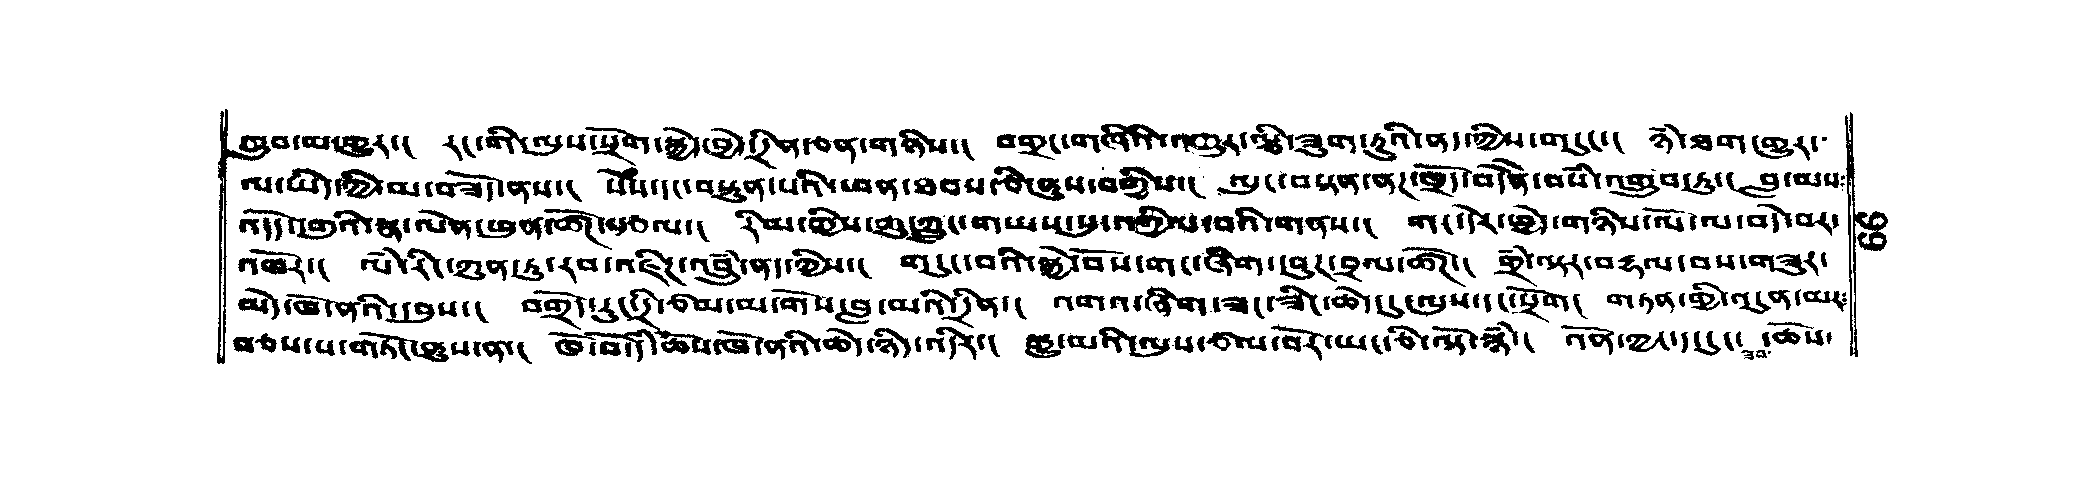འགྲུབ་མ་གྱུར། །རང་གི་ལུས་སྲོག་སྐྱེད་བྱེད་དྲིན་ཅན་གཉིས། །བགྲང་གཞིའི་འཁུར་ལྕི་ཟུག་རྔུའི་ནད་ཀྱིས་གདུང་། །ཉམ་ཐག་གྱུར་
ལ་ཡིད་ཀྱི་མ་བཟོད་ནས། །སེམས་དང་བསྟུན་པའི་ཕན་ཐབས་ཅི་ནུས་བགྱིས། །ལུང་བསྟན་ནགས་ཁྲོད་བདེ་ཆེན་བསམ་འགྲུབ་ཏུ། །བླ་མས་
འདོད་དགུའི་སྣེ་ལེན་ཕུན་ཚོགས་སྩལ། །རིམ་གྱིས་ཆུ་ཀླུང་གཡས་སུ་འཁྱིལ་བའི་གནས། །གང་དེར་ཕྱེད་གཉིས་ལོ་ལ་བདེ་བར་
འཁོར། །ལམ་རིང་ཀུན་ཏུ་རབ་འཇིགས་འབྲུམ་ནད་ཀྱིས། །གདུང་བའི་སྐྱེ་བོས་གང་ཞིག་དབུགས་བྲལ་ཚོགས། །གྲམ་ལྟར་བརྡལ་བས་གཟུར་
མེད་ཁོ་ནའི་དབུས། །བསྒྲོད་རུང་དྲི་ཙམ་མ་གོས་བླ་མའི་དྲིན། །འགའ་ཞིག་ཟང་ཟིང་ཆེད་དུ་ལུས་དང་སྲོག གཏན་གྱི་འདུན་མར་
བཅས་པ་གཏོང་ནུས་ན། །ཁོ་བོ་དམ་ཆོས་ཁོ་ནའི་ཆེད་ཉིད་འདིར། །སྒྱུ་མའི་ལུས་ཙམ་བོར་ཡང་ཅི་ལྟོ་སྙམ། །འོན་ཀྱང་ད་དུང་ཟབ་ཆོས་